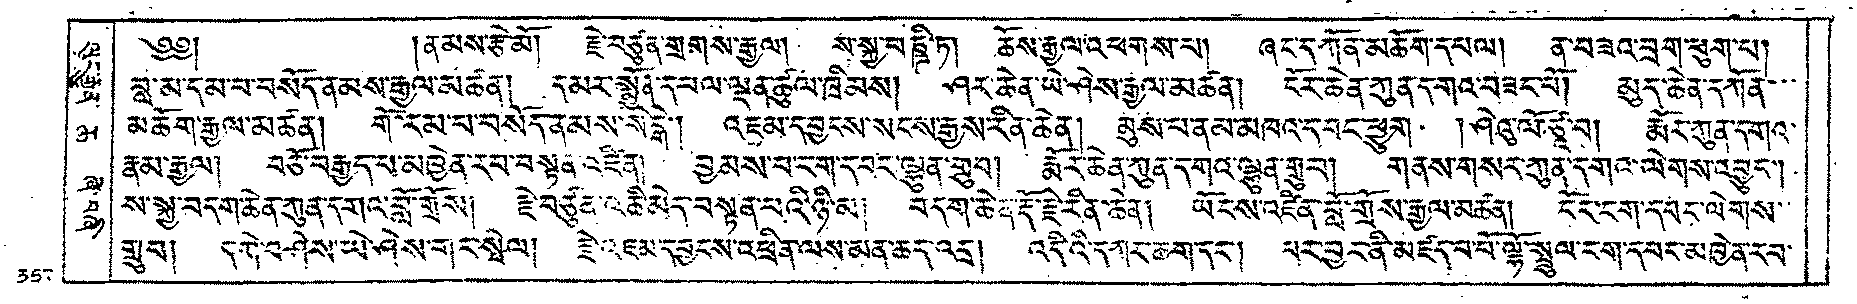༄༅། །ནམས་རྩེ་མོ། རྗེ་བཙུན་གྲགས་རྒྱལ། ས་སྐྱ་པཎྜི་ཏ། ཆོས་རྒྱལ་འཕགས་པ། ཞང་དཀོན་མཆོག་དཔལ། ན་བཟའ་བྲག་ཕུག་པ།
བླ་མ་དམ་པ་བསོད་ནམས་རྒྱལ་མཚན། དམར་སྨྱོན་དཔལ་ལྡན་ཚུལ་ཁྲིམས། ཤར་ཆེན་ཡེ་ཤེས་རྒྱལ་མཚན། ངོར་ཆེན་ཀུན་དགའ་བཟང་པོ། མུད་ཆེན་དཀོན་
མཆོག་རྒྱལ་མཚན། གོ་རམ་པ་བསོད་ནམས་སེངྒེ། འཇམ་དབྱངས་སངས་རྒྱས་རིན་ཆེན། མུས་པ་ནམ་མཁའ་དབང་ཕྱུག །ཤེའུ་ལོ་ཙཱ་བ། རྨོར་ཀུན་དགའ་
རྣམ་རྒྱལ། བཅོ་བརྒྱད་པ་མཁྱེན་རབ་བསྟན་འཛིན། བྱམས་པ་ངག་དབང་ལྷུན་གྲུབ། རྨོར་ཆེན་ཀུན་དགའ་ལྷུན་གྲུབ། གནས་གསར་ཀུན་དགའ་ལེགས་འབྱུང་།
ས་སྐྱ་བདག་ཆེན་ཀུན་དགའ་བློ་གྲོས། རྗེ་བཙུན་འཆི་མེད་བསྟན་པའི་ཉི་མ། བདག་ཆེན་རྡོ་རྗེ་རིན་ཆེན། ཡོངས་འཛིན་བློ་གྲོས་རྒྱལ་མཚན། ངོར་ངག་དབང་ལེགས་
གྲུབ། དགེ་བཤེས་ཡེ་ཤེས་གང་སྤེལ། རྗེ་འཇམ་དབྱངས་འཕྲིན་ལས་མན་ཆད་འདྲ། འདིའི་དཀར་ཆག་དང་། པར་བྱང་ནི་མཛད་པ་པོ་ལྷོ་སྤྲུལ་ངག་དབང་མཁྱེན་རབ་